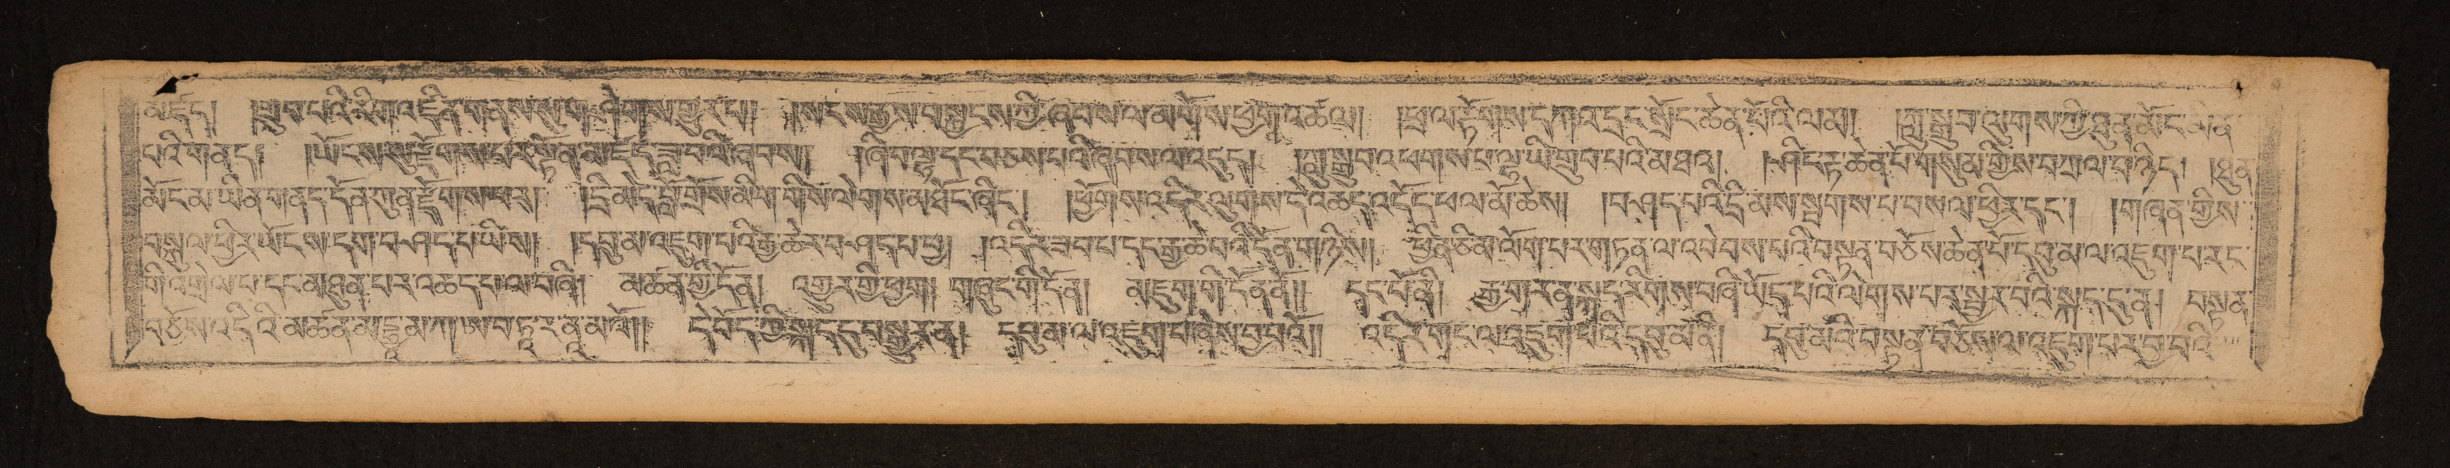མཛད། །གྲུབ་པའི་རིག་འཛིན་གནས་སུ་གཤེགས་གྱུར་པ། །སངས་རྒྱས་བསྐྱངས་ཀྱི་ཞབས་ལ་མགོས་ཕྱག་འཚལ། །ཕྲ་ལ་རྟོགས་དཀའ་དྲང་སྲོང་ཆེན་པོའི་ལམ། །ཀླུ་སྒྲུབ་ལུགས་ཀྱི་ཐུན་མོང་མིན་
པའི་གནད། །ཡོངས་སུ་རྫོགས་པར་སྟོན་མཛད་ཟླ་བའི་ཞབས། །ཞི་བ་ལྷ་དང་བཅས་པའི་ཞབས་ལ་འདུད། །ཀླུ་སྒྲུབ་འཕགས་པ་ལྷ་ཡི་གྲུབ་པའི་མཐའ། །ཤིང་རྟ་ཆེན་པོ་གསུམ་གྱིས་བཀྲལ་བ་ཉིད། །ཐུན་
མོང་མ་ཡིན་གནད་དོན་ཀུན་རྫོགས་པར། །དྲི་མེད་བློ་གྲོས་མིག་གིས་ལེགས་མཐོང་ཞིང་། །ཕྱོགས་འདིར་ལུགས་དེ་འཆད་འདོད་ཕལ་མོ་ཆེས། །བཤད་པའི་དྲི་མས་སྦགས་པ་བསལ་ཕྱིར་དང་། །གཞན་གྱིས་
བསྐུལ་ཕྱིར་ཡོངས་དག་བཤད་པ་ཡིས། །དབུ་མ་འཇུག་པའི་རྒྱ་ཆེར་བཤད་པ་བྱ། །འདིར་ཟབ་པ་དང་རྒྱ་ཆེ་བའི་དོན་གཉིས། ཕྱིན་ཅི་མ་ལོག་པར་གཏན་ལ་འབེབས་པའི་བསྟན་བཅོས་ཆེན་པོ་དབུ་མ་ལ་འཇུག་པ་རང་
གི་འགྲེལ་པ་དང་མཐུན་པར་འཆད་པ་ལ་བཞི། མཚན་གྱི་དོན། འགྱུར་གྱི་ཕྱག །གཞུང་གི་དོན། མཇུག་གི་དོན་ནོ།། དང་པོ་ནི། རྒྱ་གར་ན་སྐད་རིགས་བཞི་ཡོད་པའི་ལེགས་པར་སྦྱར་བའི་སྐད་དུ་ན། བསྟན་
བཅོས་འདིའི་མཚན་མ་དྷྱཱ་མ་ཀ་ཨ་བ་ཏཱ་ར་ནཱ་མའོ།། དེ་བོད་ཀྱི་སྐད་དུ་བསྒྱུར་ན། དབུ་མ་ལ་འཇུག་པ་ཞེས་བྱ་བའོ།། འདིར་གང་ལ་འཇུག་པའི་དབུ་མ་ནི། དབུ་མའི་བསྟན་བཅོས་ལ་འཇུག་པར་བྱ་བའི་